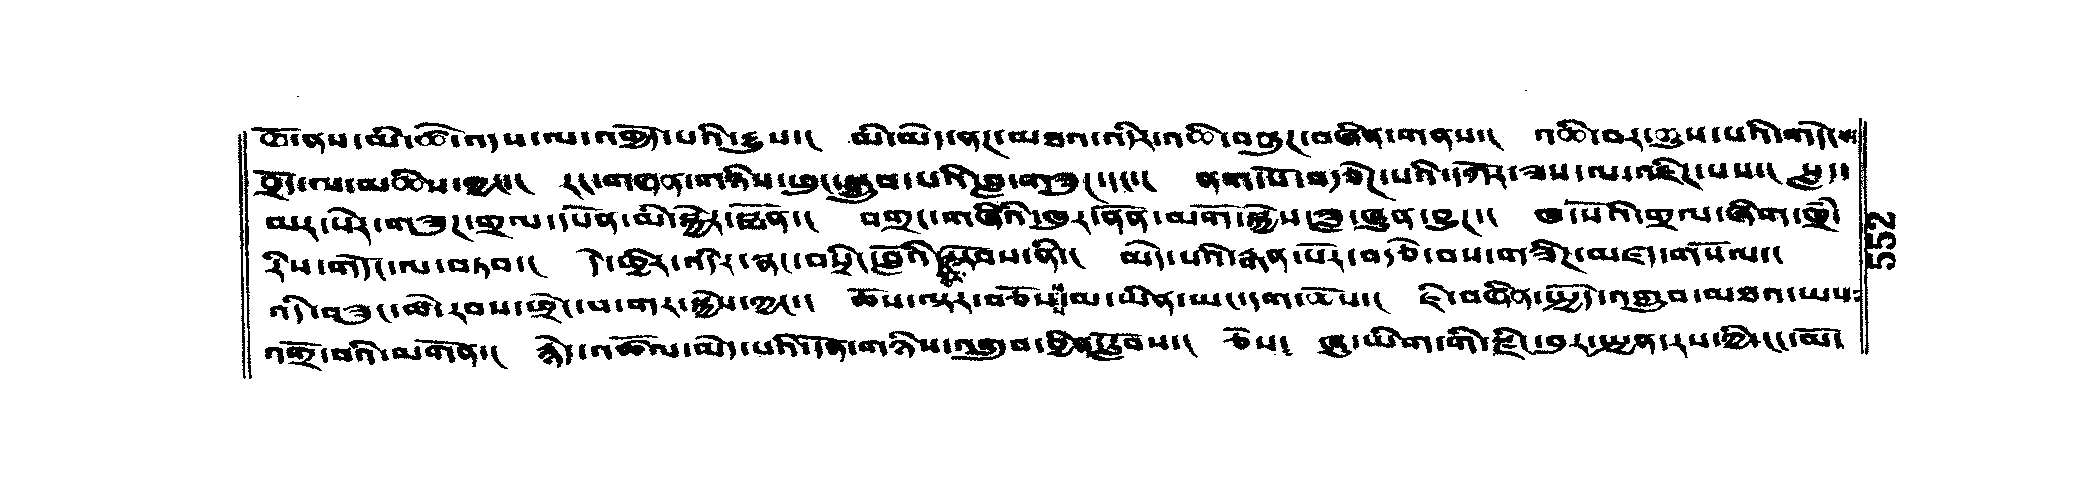།ཁོ་ནས་མི་ཚེ་འདས་ལ་འགྱོད་པའི་རྒྱུས། །མི་མེད་ནགས་མཐའ་འདིར་འཆི་བསྒུགས་བཞིན་གནས། །འཆི་བར་ནུས་པའི་གདེངས་
བྲོད་མ་མཆིས་ཀྱང་། །རང་གཞན་གཉིས་ཕུང་སྒྲུབ་པའི་བླ་གཟུགས་དང་། །ནག་པོ་བརྩེགས་པའི་དཀོར་ཟས་ལ་འཇིགས་པས། །སླད་
མར་སེར་གཟུགས་གྲལ་དཔོན་མི་སྐྱེར་སྨོན། །བགྲང་བྱའི་ཁུར་ནོན་མགོ་སྐྱེས་ཟླ་ཞུན་བྱུགས། །ཁ་སོའི་གྲལ་ཞིག་ཁྲམ་
རིས་གདོང་ལ་བཏབ། །དེ་ཕྱིར་འདིར་སྣང་བསྲིང་བློའི་སྙིང་སྟོབས་ནི། །མེད་པའི་རྒན་པོར་བརྩེ་བས་གཟིགས་མཛད་གསོལ། །
འདི་བཟུང་ཚེ་རབས་ཕྲེང་བ་གར་སྐྱེས་ཀྱང་། ཆོས་ལྟར་བཅོས་པ་མ་ཡིན་ཡང་དག་ཆོས། །ཇི་བཞིན་སྤྱོད་འགྲུབ་མཐའ་ཡས་
འགྲོ་བའི་མགོན། །རྙེད་འཚོལ་མེད་པའི་དོན་གཉིས་འགྲུབ་བྱིན་རློབས།། ཅེས་ཞུ་ཡིག་གི་རྗིང་བུར་སྤྱན་རས་ཀྱི་ངང་མོ་